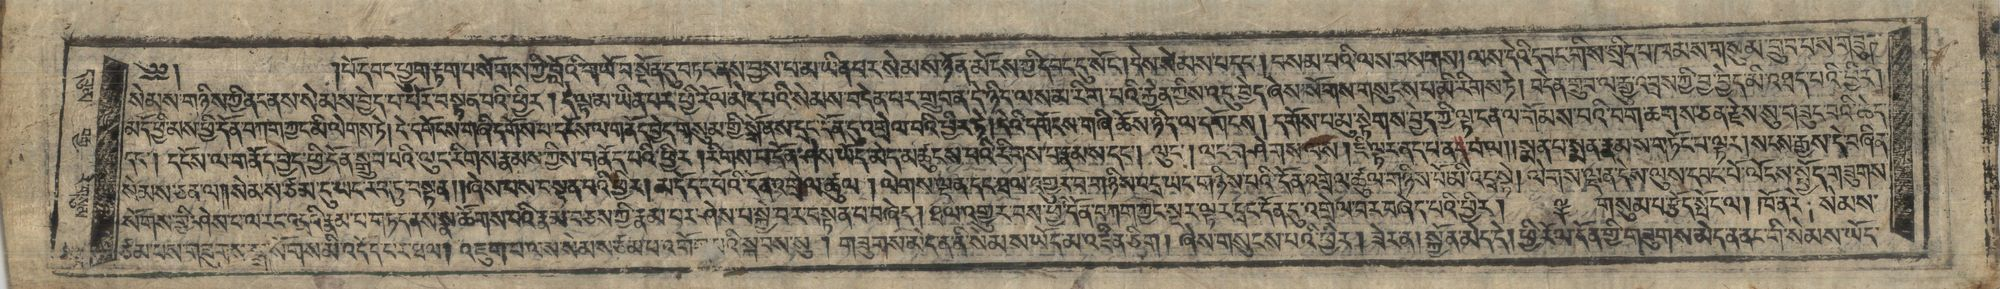༄༅། །པོ་དབང་ཕྱུག་རྟག་པ་སོགས་ཀྱི་བློའི་གཡོ་བ་སྔོན་དུ་བཏང་ནས་བྱས་པ་མ་ཡིན་པར་སེམས་ཉོན་མོངས་ཀྱི་དབང་དུ་སོང་། དེས་སེམས་པ་དང་། བསམ་པའི་ལས་བསགས། ལས་དེའི་དབང་གིས་སྲིད་པ་ཁམས་གསུམ་གྲུབ་པས་གཟུགས་
སེམས་གཉིས་ཀྱི་ནང་ནས་སེམས་བྱེད་པ་པོར་བསྟན་པའི་ཕྱིར། དེ་ལྟ་མ་ཡིན་པར་ཕྱི་རོལ་མེད་པའི་སེམས་བདེན་པར་གྲུབ་ན་དེ་ཉིད་ལས་མ་རིག་པའི་རྐྱེན་ཀྱིས་འདུ་བྱེད་ཞེས་སོགས་གསུངས་པ་མི་རིགས་ཏེ། འདེངྲུབ་ལ་རྒྱུ་འབྲས་ཀྱི་བྱ་བྱེད་མི་འཐད་པའི་ཕྱིར།
མདོ་ཕྱི་མས་ཕྱི་དོན་བཀག་ཀྱང་མི་ལེགས་ཏེ། དེ་དགོངས་གཞི་དགོས་པ་དངོས་ལ་གནོད་བྱེད་གསུམ་གྱི་སྒོ་ནས་དྲང་དོན་དུ་འགྲེལ་བའི་ཕྱིར་ཏེ། དེའི་དགོངས་གཞི་ཆོས་ཉིད་ལ་དགོངས། དགོས་པ་མུ་སྟེགས་བྱེད་ཀྱི་ལྟ་ངན་ལ་གོམས་པའི་བག་ཆགས་ཅན་རྗེས་སུ་གཟུང་བའི་ཆེད་
དང་། དངོས་ལ་གནོད་བྱེད་ཕྱི་དོན་སྒྲུབ་པའི་ལུང་རིགས་རྣམས་ཀྱིས་གནོད་པའི་ཕྱིར། རིགས་པ་དོན་ཤེས་ཡོད་མེད་མཚུངས་པའི་རིགས་པ་རྣམས་དང་། ལུང་། ལང་གཤེགས་ལས། ཇི་ལྟར་ནད་པ་ན་པལ?། །སྨན་པ་སྨན་རྣམས་གཏོང་པ་ལྟར། སངས་རྒྱས་དེ་བཞིན་
སེམས་ཅན་ལ། །སེམས་ཙམ་དུ་ཡང་རབ་ཏུ་བསྟན། །ཞེས་པས་བསྟན་པའི་ཕྱིར། མདོ་དང་པོའི་དོན་འགྲེལ་ཚུལ། ལེགས་ལྡན་དང་ཐལ་འགྱུར་བ་གཉིས་འདྲ་ཡང་གཉིས་པའི་དོན་འགྲེལ་ཚུལ་གཉིས་པོ་མི་འདྲ་སྟེ། ལེགས་ལྡན་དེས་ལུས་དབང་པོ་ལོངས་སྤྱོད་གཟུགས་
སོགས་གྱི་ཤེས་པ་ལ་རང་འདྲའི་རྣམ་པ་གཏད་ནས་སྣ་ཚོགས་པའི་རྣམ་བཅས་ཀྱི་རྣམ་པར་ཤེས་པ་སྐྱེ་བར་བསྟན་པ་བཞེད། ཐལ་འགྱུར་བས་ཕྱི་དོན་བཀག་ཀྱང་སྔར་ལྟར་དྲང་དོན་དུ་འགྲེལ་བར་བཞེད་པའི་ཕྱིར། ༈ གསུམ་པ་རྩོད་སྤོང་ལ། ཁོ་ན་རེ། སེམས་
ཙམ་པས་གཟུགས་སྒྲ་སོགས་མི་འདོད་པར་ཐལ། འཇུག་པ་ལས་སེམས་ཙམ་པ་འགོག་པའི་སྐངྶྶུ། གཟུགས་མེད་ན་ནི་སེམས་ཡོད་མ་འཛིན་ཅིག །ཞེས་གསུངས་པའི་ཕྱིར། ཟེར་ན། སྐྱོན་མེད་དེ། ཕྱི་རོལ་དོན་གྱི་གཟུགས་མེད་ན་ནང་གི་སེམས་ཡོད་